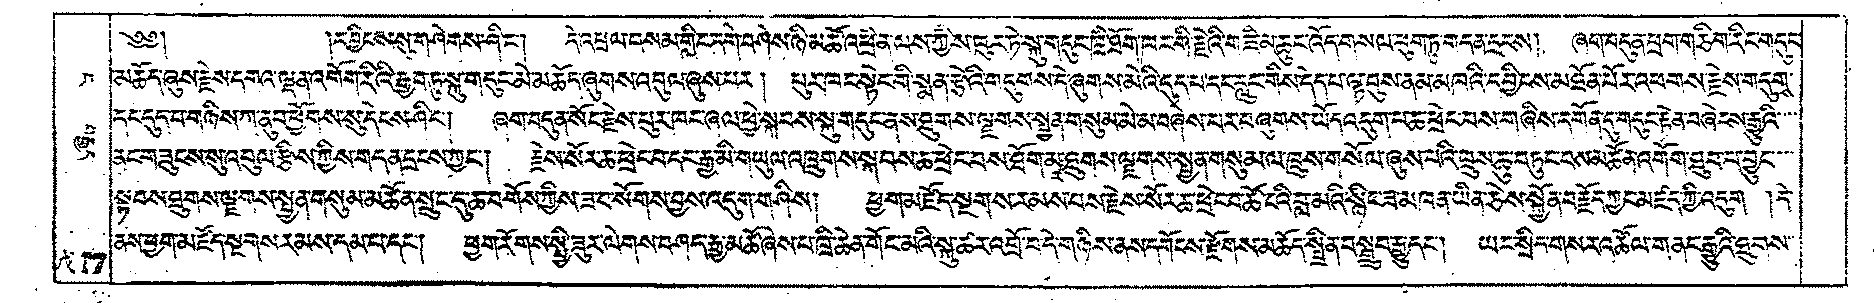༄༅། །དབྱིངས་སུ་གཤེགས་ཤིང་། དེ་འཕྲལ་བསམ་གླིང་དགེ་བཤེས་ཉི་མཚོ་འཕྲིན་ལས་ཀྱིས་ཁྲུ་ཏེ་སྐུ་གདུང་ཁྲི་ཐོག་ཁང་གི་རྗེའི་གཟིམ་ཆུང་འོད་གསལ་ཕུག་ཏུ་གདན་དྲངས། ཞག་བདུན་ཕྲག་གཅིག་རིང་གདུང་
མཆོད་ཞུས་རྗེས་དགའ་ལྡན་འགོག་རིའི་རྒྱབ་ཏུ་སྐུ་གདུང་མེ་མཆོད་ཞུགས་འབུལ་ཞུས་པར། པུར་ཁང་སྟེང་གི་སྨན་རྩེའི་གདུགས་དེ་ཞུགས་མེའི་དུད་པ་དང་རླུང་གིས་དེད་པ་ལྟ་བུས་ནམ་མཁའི་དབྱིངས་མཐོན་པོར་འཕགས་རྗེས་གདུགས་
དང་དུད་པ་གཉིས་ཀ་ནུབ་ཕྱོགས་སུ་དེངས་ཤིང་། ཞག་བདུན་སོང་རྗེས་པུར་ཁང་ཞལ་ཕྱེ་སྐབས་སྐུ་གདུང་ནས་ཐུགས་ལྗགས་སྤྱན་གསུམ་མེ་མ་བཞེས་པར་བཞུགས་ཡོད་འདུག་པ་ཆ་ཕྲེང་པས་གཞིས་དགོན་དུ་གདུང་རྟེན་བཞེངས་རྒྱུའི་
ནང་གཟུངས་སུ་འབུལ་རྩིས་ཀྱིས་གདན་དྲངས་ཀྱང་། རྗེས་སོར་ཆ་ཕྲེང་བ་དང་རྒྱ་མི་གཡུལ་འཁྲུགས་སྐབས་ཆ་ཕྲེང་བས་ཐོག་མར་ཐུགས་ལྗགས་སྤྱན་གསུམ་ལ་ཁྲུས་གསོལ་ཞུས་པའི་ཁྲུས་ཆུ་བཏུང་བས་མཚོན་འགོག་ཐུབ་པ་བྱུང་
སྟབས་ཐུགས་ལྗགས་སྤྱན་གསུམ་མཚོན་སྲུང་དུ་ཆ་བགོས་ཀྱིས་ཟ་བ་སོགས་བྱས་འདུག་གཤིས། ཕྱག་མཛོད་སྔགས་རམས་པས་རྗེས་སོར་ཆ་ཕྲེང་བ་ཚེ་ངའི་བླ་མའི་སྙིང་ཟ་མཁན་ཡིན་ཅེས་སྐྱོན་བརྗོད་ཀྱང་མཛད་ཀྱི་འདུག །དེ་
ནས་ཕྱག་མཛོད་སྔགས་རམས་དམ་པ་དང་། ཕྱག་རོགས་སྤྱི་ཟུར་ལེགས་བཤད་རྒྱ་མཚོ་ཞེས་པ་ཁྲི་ཆེན་གོང་མའི་སྐུ་ཚར་འགྲོ་བ་དེ་གཉིས་ནས་དགོངས་རྫོགས་མཆོད་སྤྲིན་བསྒྲུབ་རྒྱུ་དང་། ཡང་སྲིད་གསར་འཚོལ་གནང་རྒྱུའི་ཐུགས་